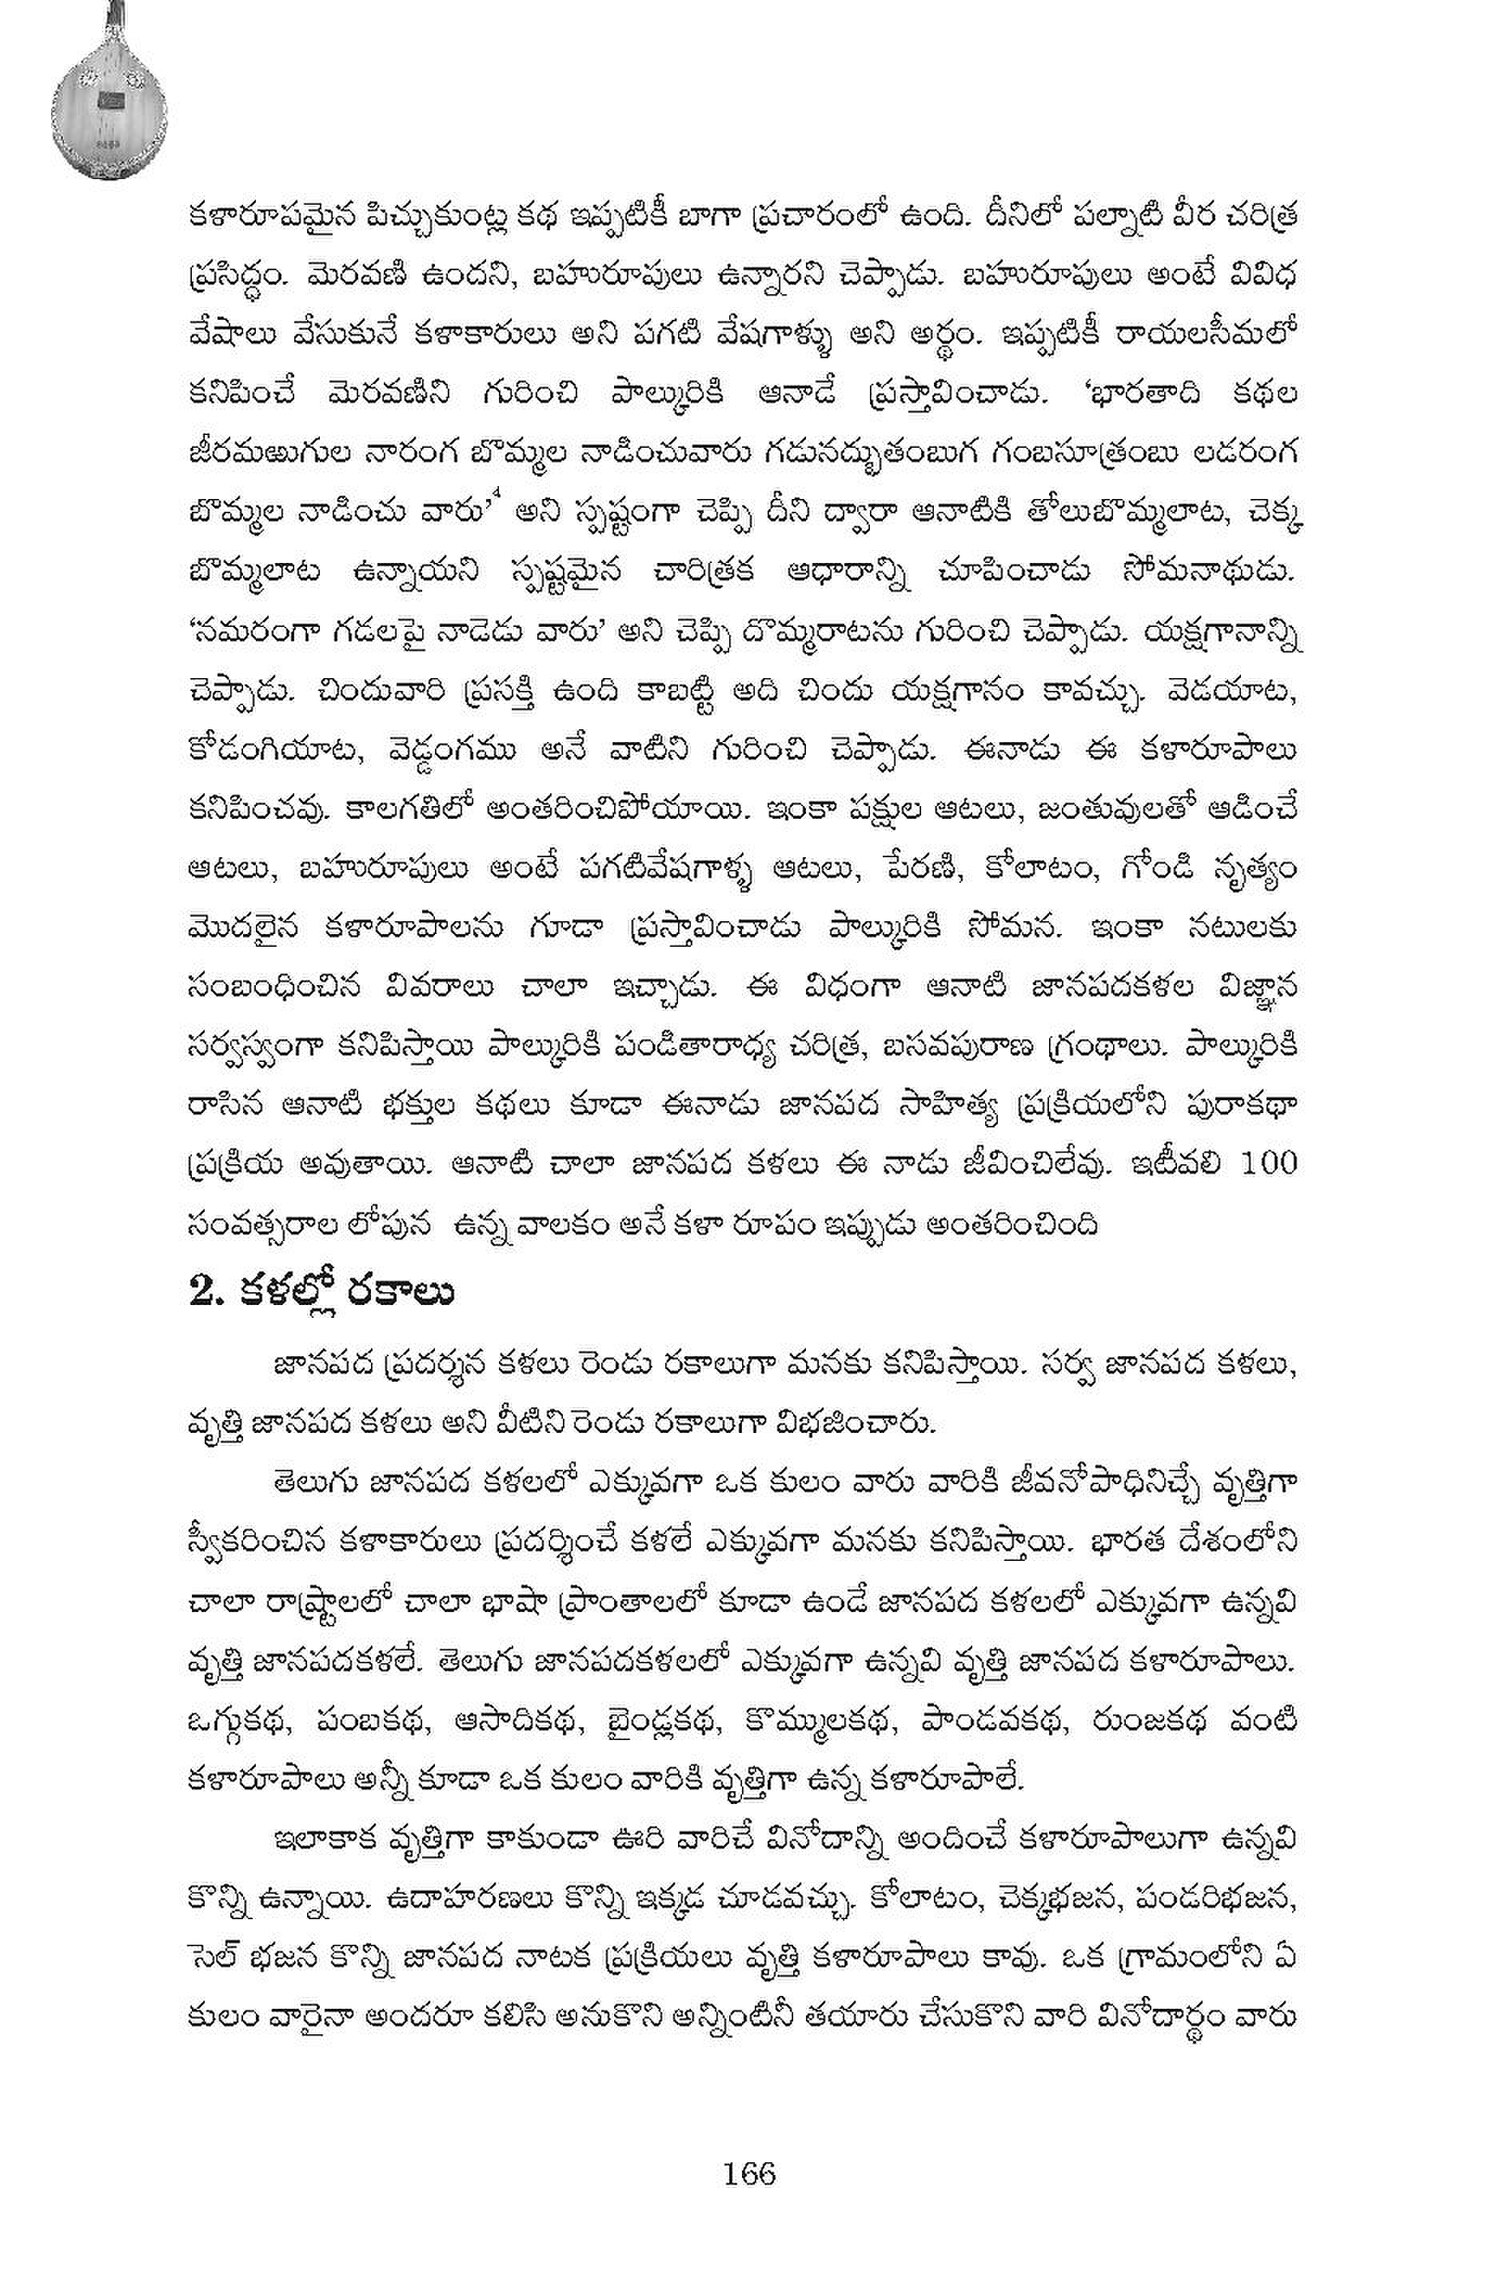కళారూపమైన పిచ్చుకుంట్ల కథ ఇప్పటికీ బాగా ప్రచారంలో ఉంది. దీనిలో పల్నాటి వీర చరిత్ర ప్రసిద్ధం. మెరవణి ఉందని, బహురూపులు ఉన్నారని చెప్పాడు. బహురూపులు అంటే వివిధ వేషాలు వేసుకునే కళాకారులు అని పగటి వేషగాళ్ళు అని అర్థం. ఇప్పటికీ రాయలసీమలో కనిపించే మెరవణిని గురించి పాల్కురికి ఆనాడే ప్రస్తావించాడు. 'భారతాది కథల జీరమఱుగుల నారంగ బొమ్మల నాడించువారు గడునద్భుతంబుగ గంబసూత్రంబు లడరంగ బొమ్మల నాడించు వారు4 అని స్పష్టంగా చెప్పి దీని ద్వారా ఆనాటికి తోలుబొమ్మలాట, చెక్క బొమ్మలాట ఉన్నాయని స్పష్టమైన చారిత్రక ఆధారాన్ని చూపించాడు సోమనాథుడు. 'నమరంగా గడలపై నాడెడు వారు' అని చెప్పి దొమ్మరాటను గురించి చెప్పాడు. యక్షగానాన్ని చెప్పాడు. చిందువారి ప్రసక్తి ఉంది కాబట్టి అది చిందు యక్షగానం కావచ్చు. వెడయాట,
కోడంగియాట, వెడ్డింగము అనే వాటిని గురించి చెప్పాడు. ఈనాడు ఈ కళారూపాలు కనిపించవు. కాలగతిలో అంతరించి పోయాయి. ఇంకా పక్షుల ఆటలు, జంతువులతో ఆడించే ఆటలు, బహురూపులు అంటే పగటివేషగాళ్ళ ఆటలు, పేరణి, కోలాటం, గోండి నృత్యం మొదలైన కళారూపాలను గూడా ప్రస్తావించాడు పాల్కురికి సోమన. ఇంకా నటులకు సంబంధించిన వివరాలు చాలా ఇచ్చాడు. ఈ విధంగా ఆనాటి జానపదకళల విజ్ఞాన సర్వస్వంగా కనిపిస్తాయి పాల్కురికి పండితారాధ్య చరిత్ర, బసవపురాణ గ్రంథాలు. పాల్కురికి రాసిన ఆనాటి భక్తుల కథలు కూడా ఈనాడు జానపద సాహిత్య ప్రక్రియలోని పురాకథా ప్రక్రియ అవుతాయి. ఆనాటి చాలా జానపద కళలు ఈ నాడు జీవించిలేవు. ఇటీవలి 100
సంవత్సరాల లోపున ఉన్న వాలకం అనే కళా రూపం ఇప్పుడు అంతరించింది

2. కళల్లో రకాలు 

జానపద ప్రదర్శన కళలు రెండు రకాలుగా మనకు కనిపిస్తాయి. సర్వ జానపద కళలు, వృత్తి జానపద కళలు అని వీటిని రెండు రకాలుగా విభజించారు.

తెలుగు జానపద కళలలో ఎక్కువగా ఒక కులం వారు వారికి జీవనోపాధినిచ్చే వృత్తిగా స్వీకరించిన కళాకారులు ప్రదర్శించే కళలే ఎక్కువగా మనకు కనిపిస్తాయి. భారత దేశంలోని చాలా రాష్ట్రాలలో చాలా భాషా ప్రాంతాలలో కూడా ఉండే జానపద కళలలో ఎక్కువగా ఉన్నవి వృత్తి జానపదకళలే. తెలుగు జానపదకళలలో ఎక్కువగా ఉన్నవి వృత్తి జానపద కళారూపాలు.
ఒగ్గుకథ, పంబకథ, ఆసాదికథ, బైండ్లకథ, కొమ్ముల కథ, పాండవకథ, రుంజకథ వంటి కళారూపాలు అన్నీ కూడా ఒక కులం వారికి వృత్తిగా ఉన్న కళారూపాలే.

ఇలాకాక వృత్తిగా కాకుండా ఊరి వారిచే వినోదాన్ని అందించే కళారూపాలుగా ఉన్నవి కొన్ని ఉన్నాయి. ఉదాహరణలు కొన్ని ఇక్కడ చూడవచ్చు. కోలాటం, చెక్కభజన, పండరిభజన, సెల్ భజన కొన్ని జానపద నాటక ప్రక్రియలు వృత్తి కళా రూపాలు కావు. ఒక గ్రామంలోని ఏ కులం వారైనా అందరూ కలిసి అనుకొని అన్నింటినీ తయారు చేసుకొని వారి వినోదార్థం వారు